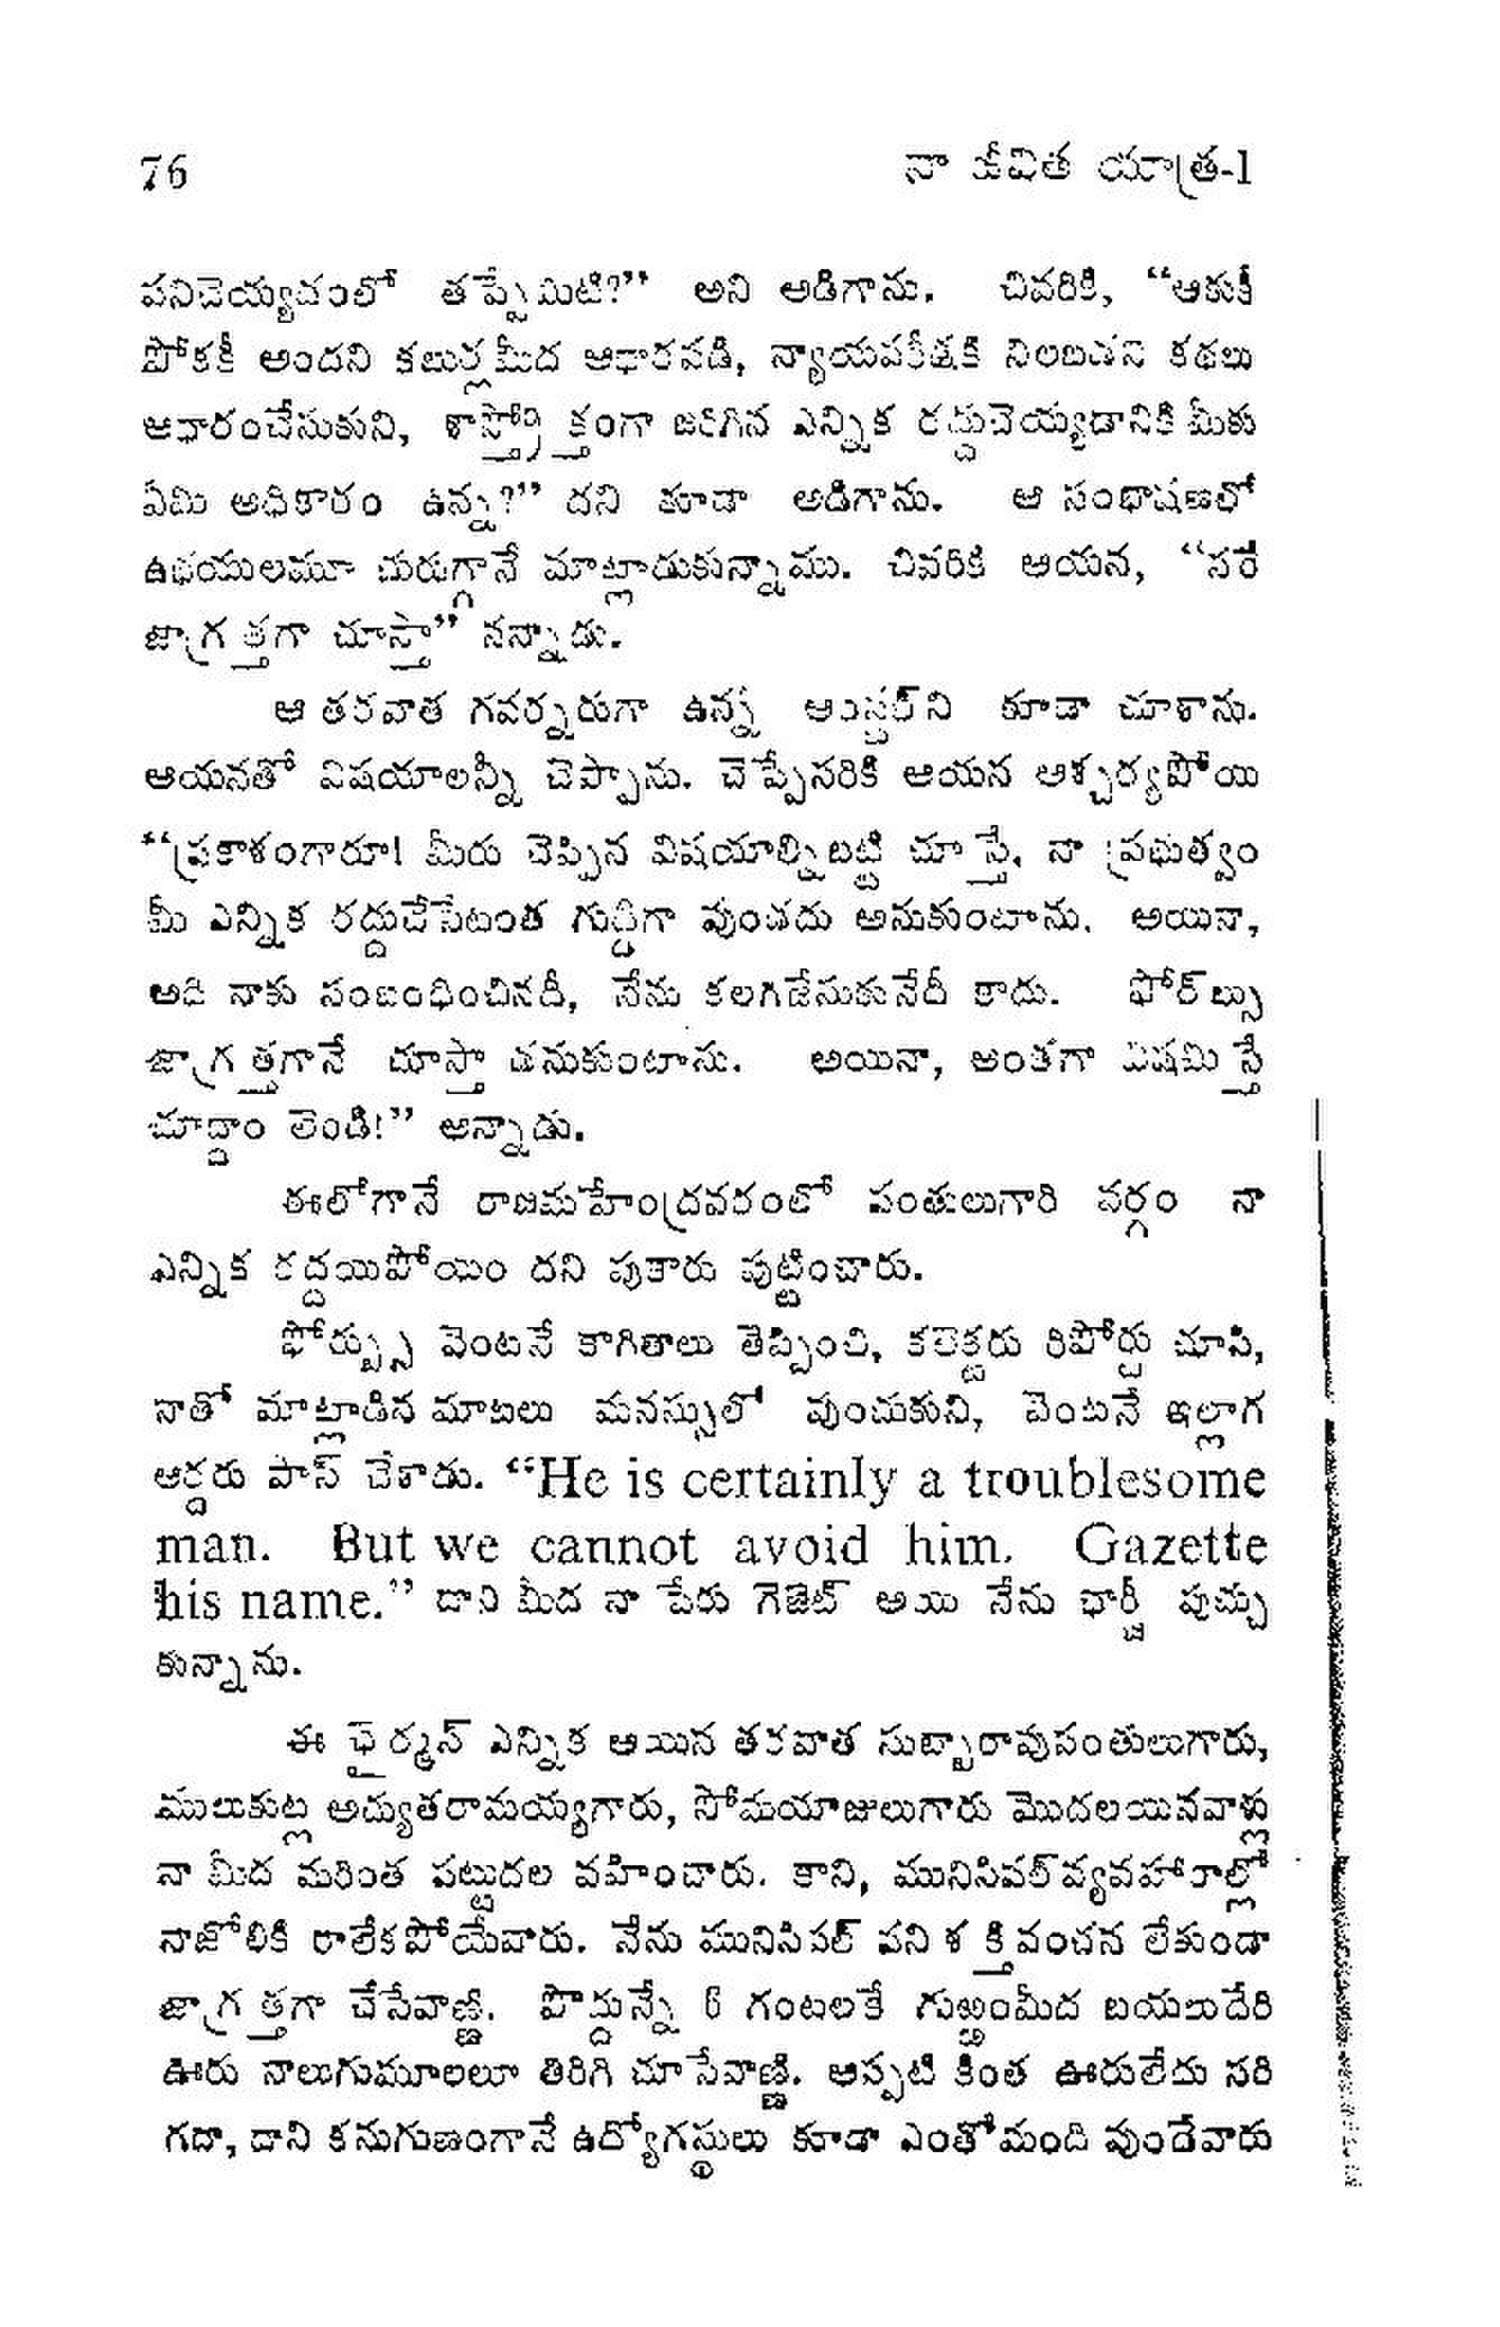పనిచెయ్యడంలో తప్పేమిటి?" అని అడిగాను. చివరికి, "ఆకుకీ పోకకీ అందని కబుర్లమీద ఆధారపడి, న్యాయపరీక్షకి నిలబడని కథలు ఆధారంచేసుకుని, శాస్త్రోక్తంగా జరిగిన ఎన్నిక రద్దుచెయ్యడానికి మీకు ఏమి అధికారం ఉన్న?" దని అడిగాను. ఆ సంభాషణలో ఉభయులమూ చురుగ్గానే మాట్లాడుకున్నాము. చివరికి ఆయన, "సరే జాగ్రత్తగా చూస్తా" నన్నాడు.

ఆ తరవాత గవర్నరుగా ఉన్న ఆంస్టర్‌ని కూడా చూశాను. ఆయనతో విషయాలన్నీ చెప్పాను. చెప్పేసరికి ఆయన ఆశ్చర్యపోయి "ప్రకాశంగారూ! మీరు చెప్పిన విషయాల్నిబట్టి చూస్తే, నా ప్రభుత్వం మీ ఎన్నిక రద్దుచేసేటంత గుడ్డిగా వుండదు అనుకుంటాను. అయినా, అది నాకు సంబంధించినదీ, నేను కలగజేసుకునేదీ కాదు. ఫోర్‌బ్సు జాగ్రత్తగానే చూస్తా డనుకుంటాను. అయినా, అంతగా విషమిస్తే చూద్దాం లెండి!" అన్నాడు.

ఈలోగానే రాజమహేంద్రవరంలో పంతులుగారి వర్గం నా ఎన్నిక రద్దయిపోయిం దని పుకారు పుట్టించారు.

ఫోర్బ్సు వెంటనే కాగితాలు తెప్పించి, కలెక్టరు రిపోర్టు చూసి, నాతో మాట్లాడిన మాటలు మనస్సులో వుంచుకుని, వెంటనే ఇల్లాగ ఆర్డరు పాస్ చేశాడు. "He is certainly a troublesome man. But we cannot avoid him. Gazette his name." దాని మీద నా పేరు గెజెట్ అయి నేను ఛార్జీ పుచ్చుకున్నాను.

ఈ ఛైర్మన్ ఎన్నిక అయిన తరవాత సుబ్బారావుపంతులుగారు, ములుకుట్ల అచ్యుతరామయ్యగారు, సోమయాజులుగారు మొదలయినవాళ్లు నామీద మరింత పట్టుదల వహించారు. కాని, మునిసిపల్ వ్యవహారాల్లో నాజోలికి రాలేకపోయేవారు. నేను మునిసిపల్ పని శక్తివంచన లేకుండా జాగ్రత్తగా చేసేవాణ్ణి. పొద్దున్నే 6 గంటలకే గుఱ్ఱంమీద బయలుదేరి ఊరు నాలుగుమూలలూ తిరిగి చూసేవాణ్ణి. అప్పటి కింత ఊరులేదు సరిగదా, దాని కనుగుణంగానే ఉద్యోగస్థులు కూడా ఎంతోమంది వుండేవారు